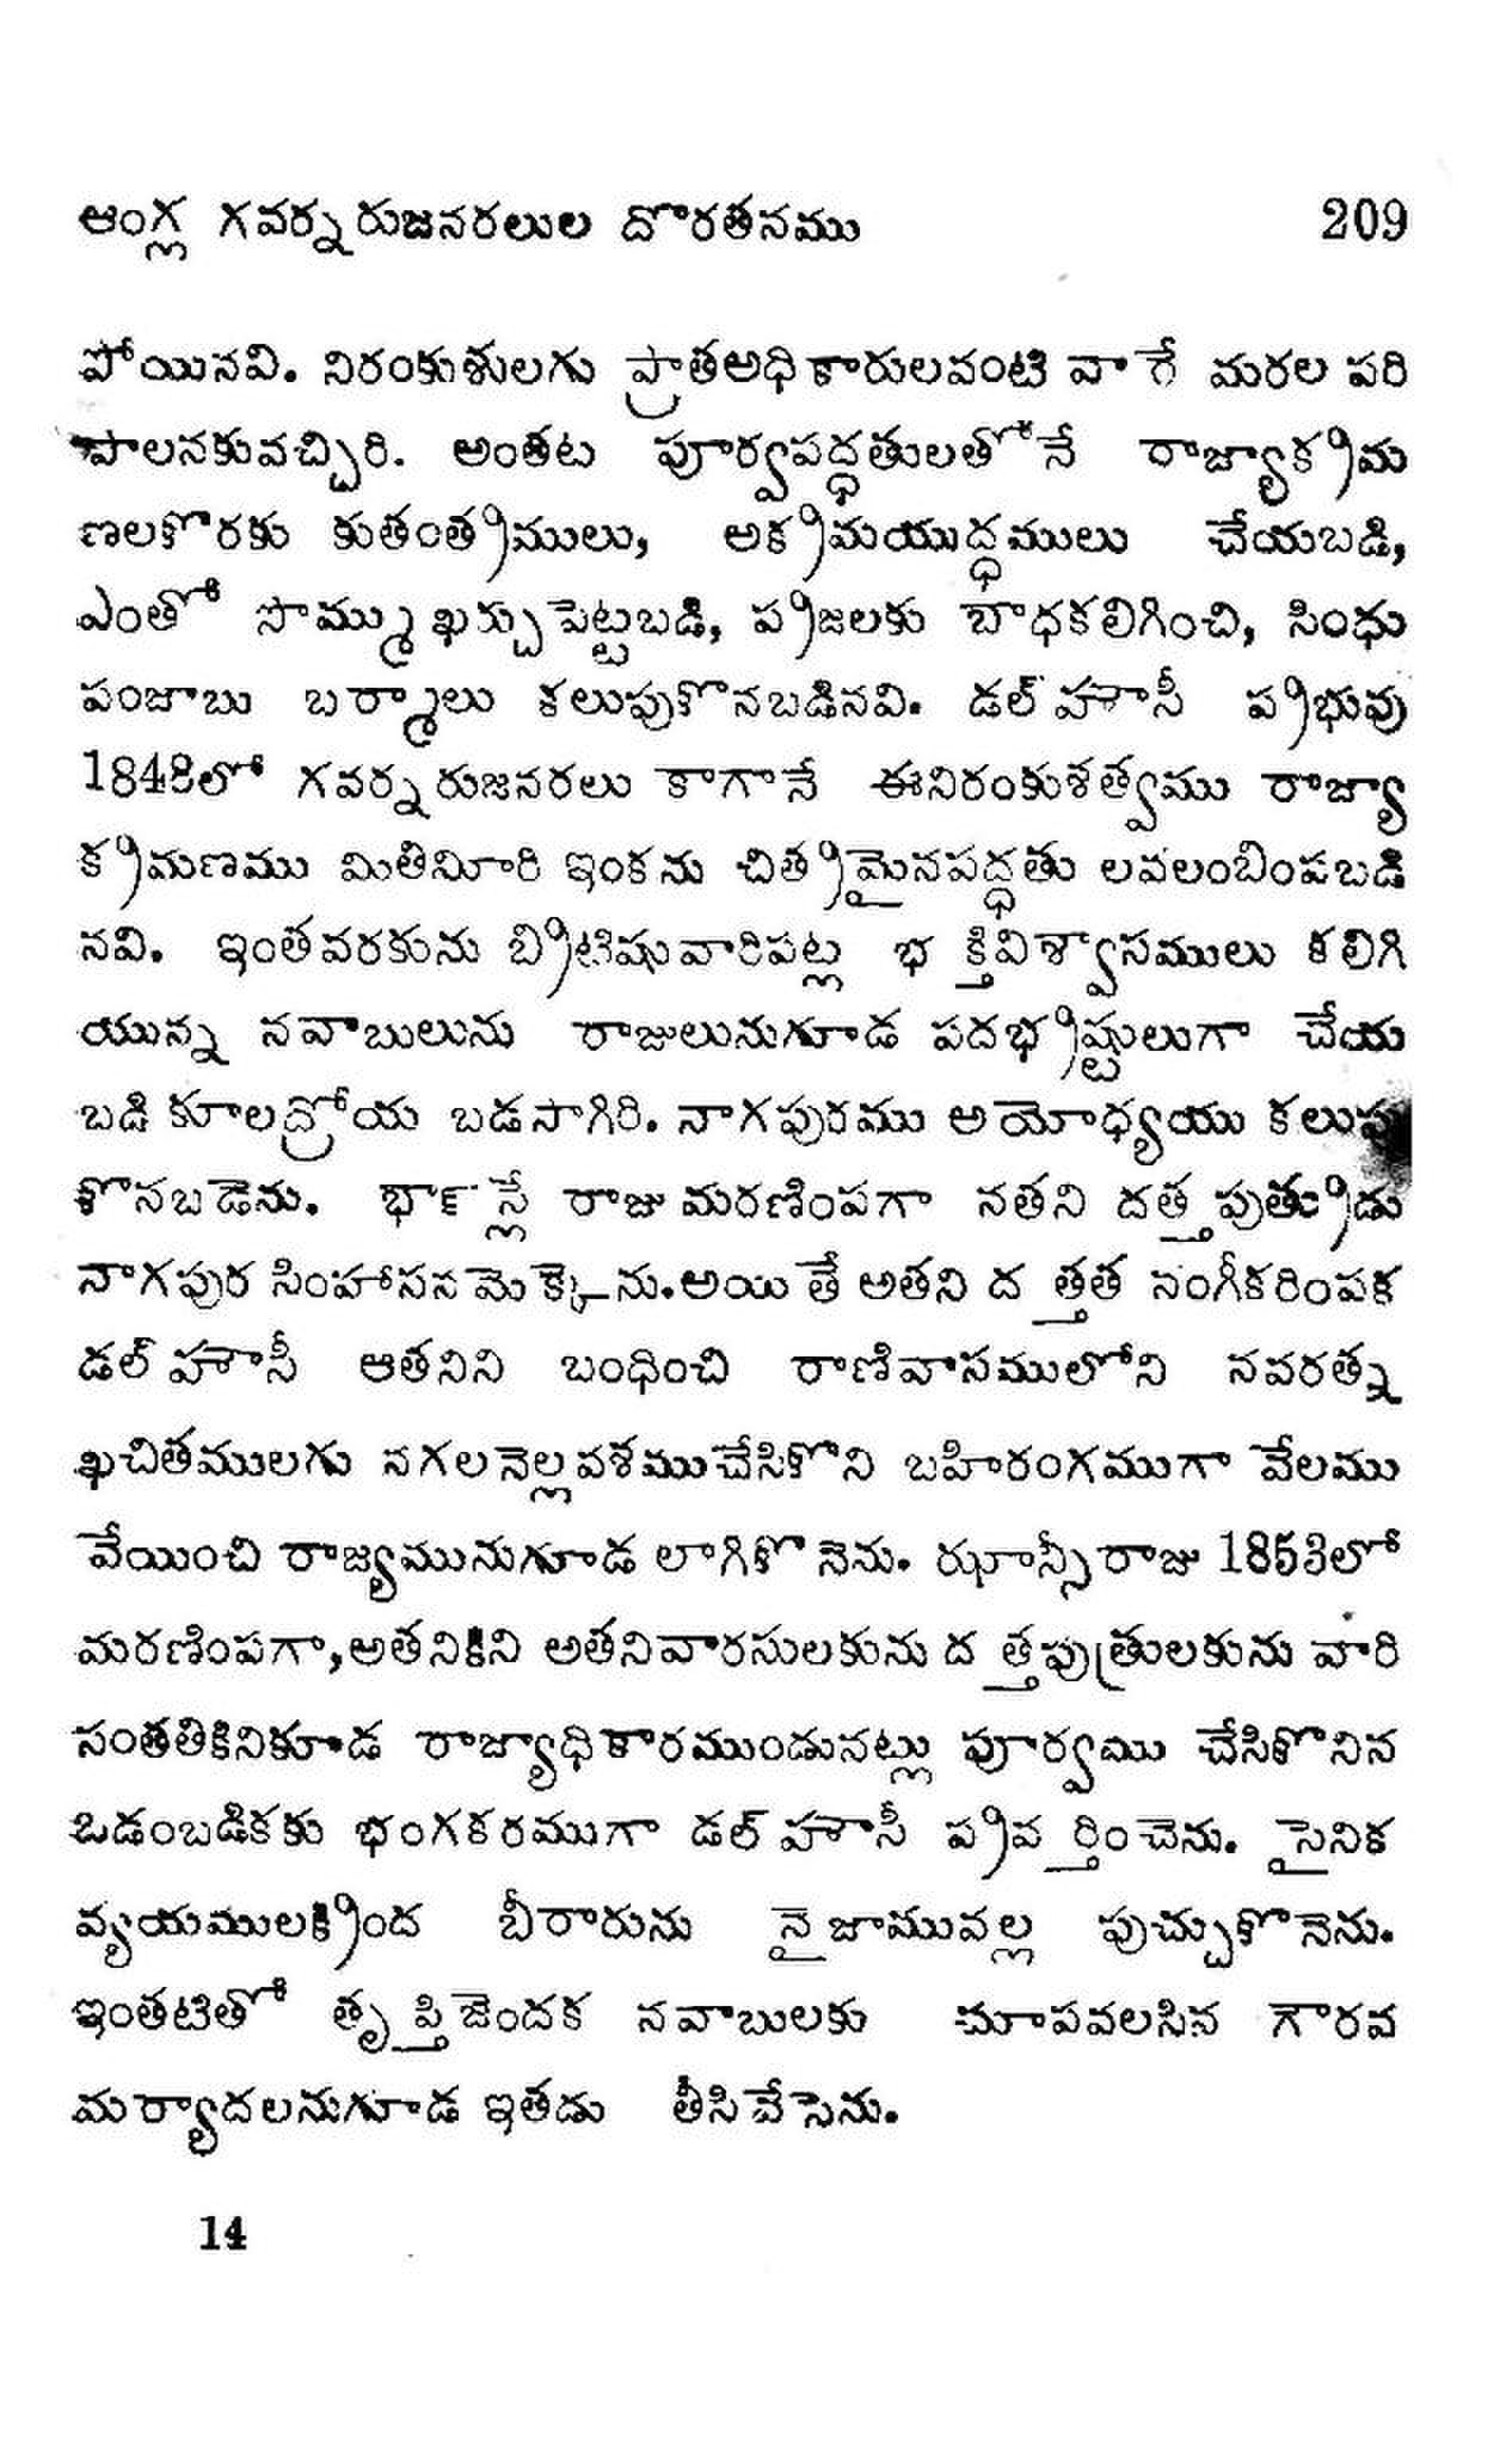పోయినవి. నిరంకుశులగు ప్రాతఅధికారులవంటి వారే మరల పరిపాలనకువచ్చిరి. అంతట పూర్వపద్ధతులతోనే రాజ్యాక్రమణలకొరకు కుతంత్రములు, అక్రమయుద్దములు చేయబడి, ఎంతో సొమ్ముఖర్చుపెట్టబడి, ప్రజలకు బాధకలిగించి, సింధు పంజాబు బర్మాలు కలుపుకొనబడినవి. డల్‌హౌసీ ప్రభువు 1848లో గవర్నరుజనరలు కాగానే ఈనిరంకుశత్వము రాజ్యాక్రమణము మితిమీరి ఇంకను చిత్రమైనపద్దతు లవలంబింపబడినవి. ఇంతవరకును బ్రిటిషువారిపట్ల భక్తివిశ్వాసములు కలిగియున్న నవాబులును రాజులునుగూడ పదభ్రష్టులుగా చేయబడి కూలద్రోయ బడసాగిరి. నాగపురము అయోధ్యయు కలుపుకొనబడెను, భా౯స్లే రాజు మరణింపగా నతని దత్తపుత్రుడు నాగపుర సింహాసనమెక్కెను. అయితే అతని దత్తత నంగీకరింపక డల్‌హౌసీ ఆతనిని బంధించి రాణివాసములోని నవరత్న ఖచితములగు నగలనెల్లవశముచేసికొని బహిరంగముగా వేలము వేయించి రాజ్యమునుగూడ లాగికొనెను. ఝాన్సీరాజు 1853లో మరణింపగా, అతనికిని అతనివారసులకును దత్తపుత్రులకును వారి సంతతికినికూడ రాజ్యాధికారముండునట్లు పూర్వము చేసికొనిన ఒడంబడికకు భంగకరముగా డల్‌హౌసీ ప్రవర్తించెను. సైనిక వ్యయములక్రింద బీరారును నైజామువల్ల పుచ్చుకొనెను. ఇంతటితో తృప్తిజెందక నవాబులకు చూపవలసిన గౌరవ మర్యాదలనుగూడ ఇతడు తీసివేసెను.